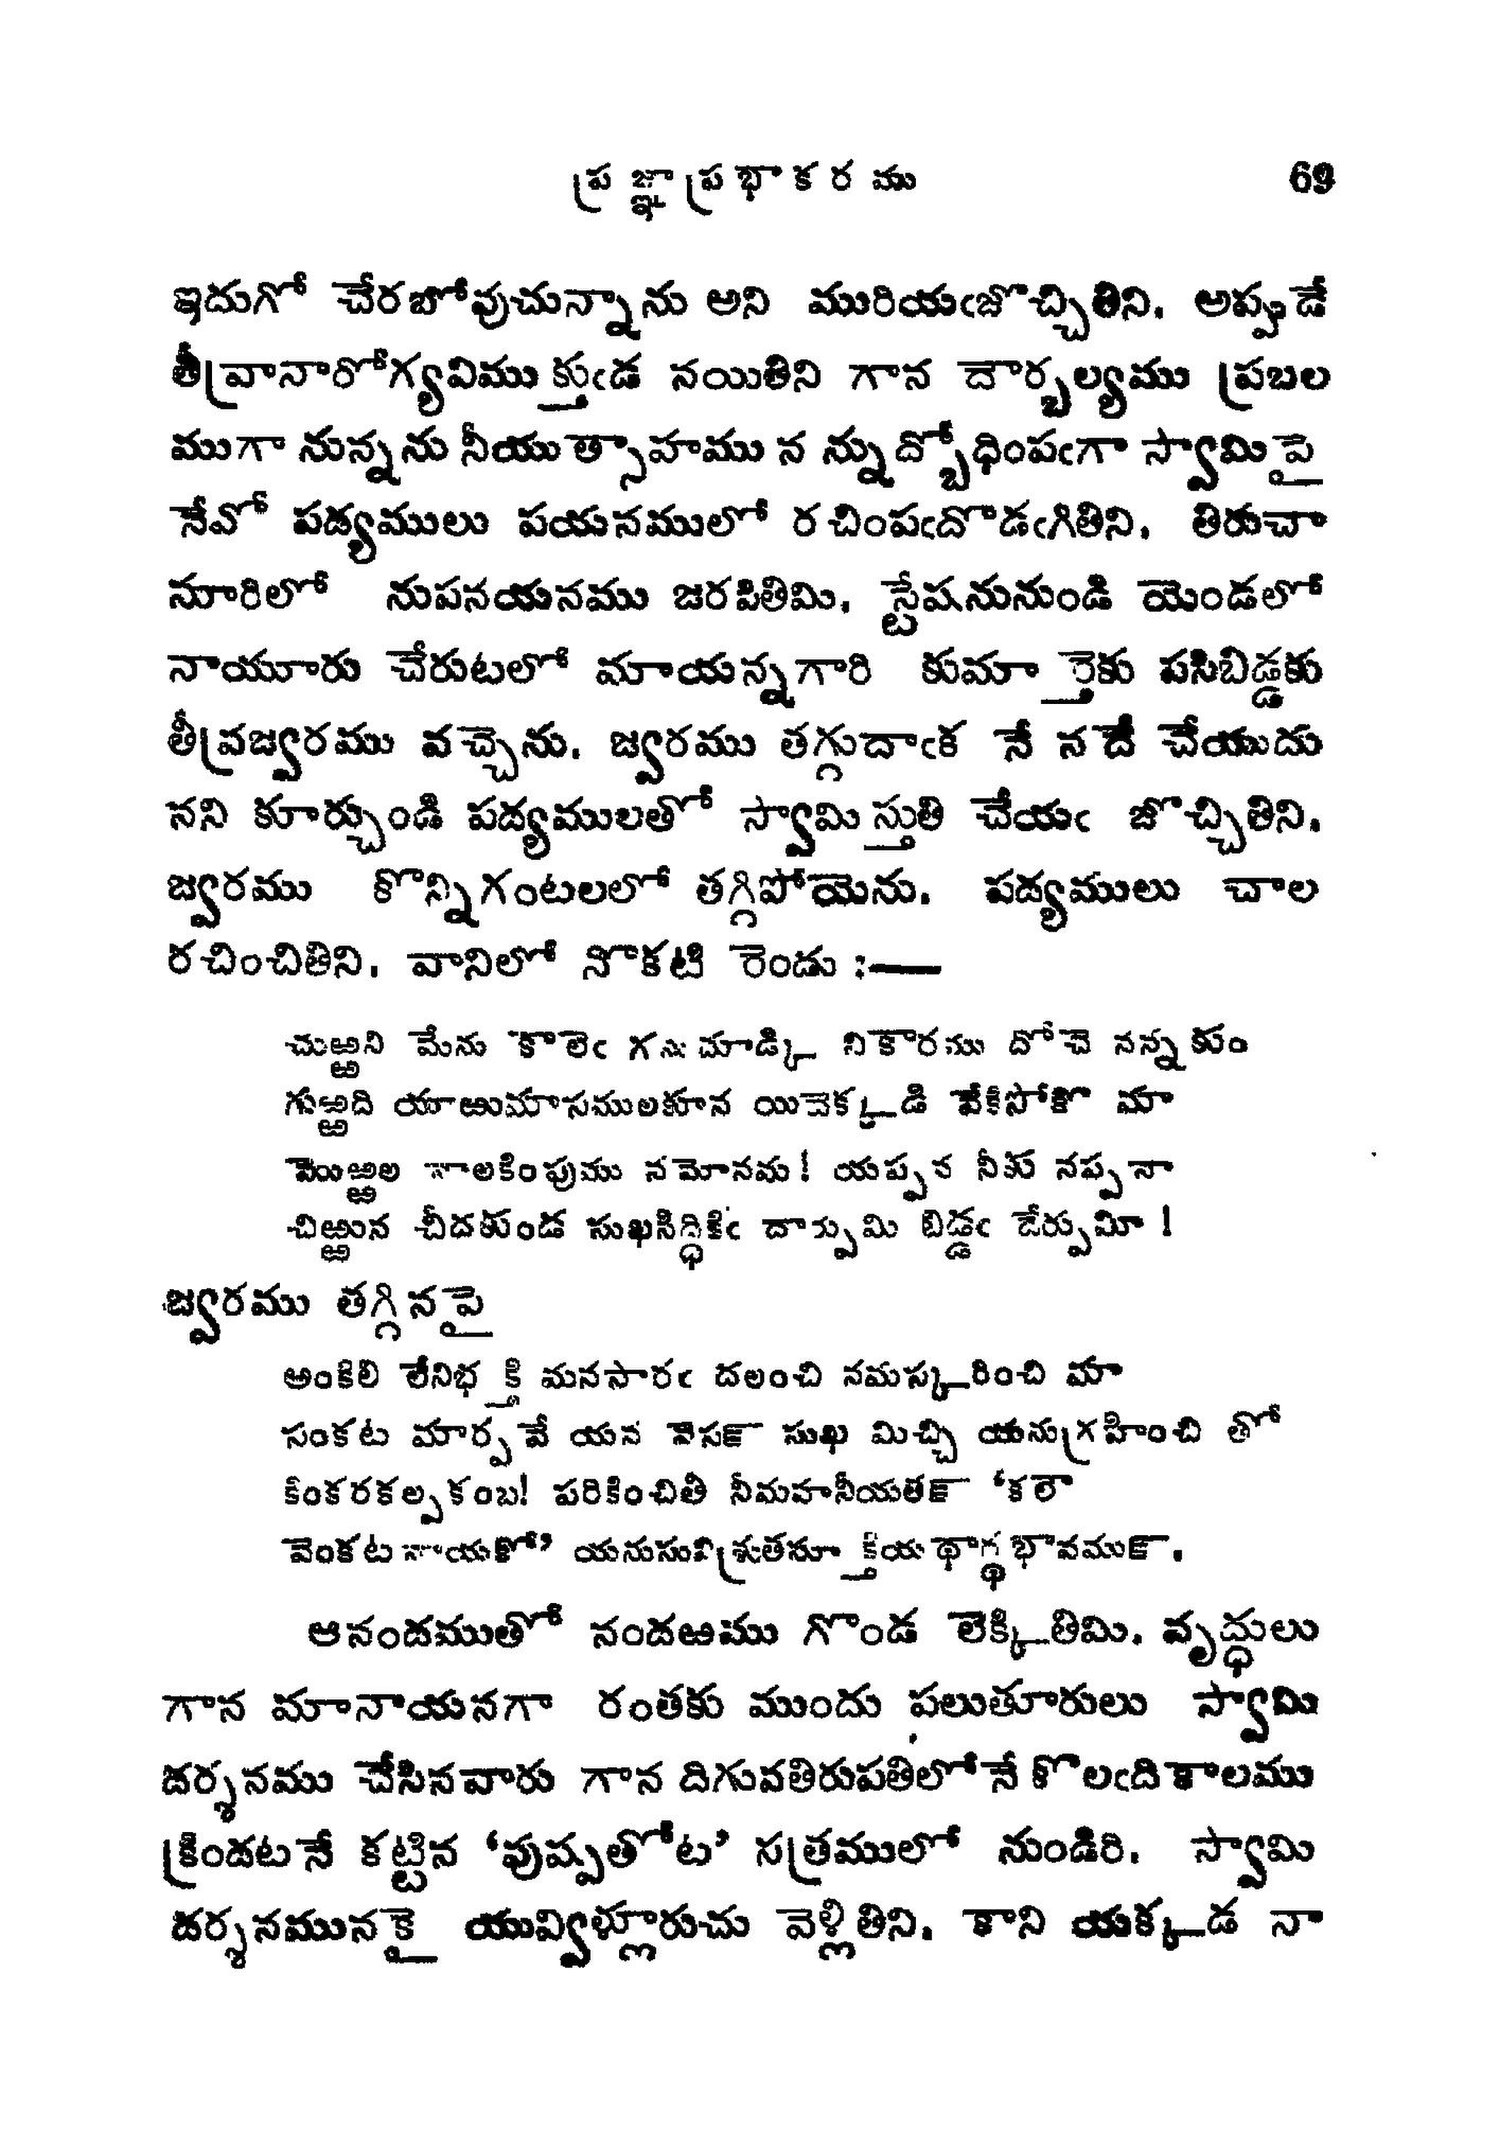ఇదిగో చేరబోవుచున్నాను అని మురియఁ జొచ్చితిని. అప్పుడే తీవ్రానరోగ్యవిము క్తుఁడ నయితిని గాన దౌర్బల్యము ప్రబలముగా నున్నను నీ యుత్సాహము నన్ను ద్బోదింపఁ గా స్వామి పై నేవో పద్యములు పయనములో రచింపఁ దొడఁ గితిని. తిరుచానూరిలో నుపనయనము జరపితిమి. స్టేషను నుండి యెండలో నాయూరు చేరుటలో మా యన్నగారి కుమారైకు పసిబిడ్డకు తీవ్ర జ్వరము వచ్చెను. జ్వరము తగ్గుదాఁక నేనదే చేయుదునని కూర్చుండి పద్యములతో స్వామి స్తుతి చేయఁ జొచ్చితిని. జ్వరము కొన్ని గంటలలో తగ్గిపోయెను. పద్యములు చాల రచింతిని. వాణిలో నొకటి రెండు:-

చుఱ్ఱని మేను కాలెఁగనుచూడ్కి వికారము దోచె నన్నకుం 
గుఱ్ఱది యాఱుమాసములకూన యిదెక్కడి వేకిసోకొ మా 
మొఱ్ఱల నాలకింపుము నమోనమ! యప్పన నీకు నప్పనా
చిఱ్ఱున చీదకుండ సుఖసిద్ధికిఁ దార్పుమి బిడ్డఁ దేర్పుమి!

జ్వరము తగ్గినపై

అంకిలి లేనిభక్తి మనసారఁ దలంచి నమస్కరించి మా 
సంకట మార్పవే యన వెసన్ సుఖ మిచ్చి యనుగ్రహించి తో 
కింకరకల్పకంబ! పరికించితి నీమహనీయతన్ ' కలౌ 
వెంకటనాయకో' యను సువిశ్రుతసూక్తియధార్ద భావము న్.

ఆనందముతో నందఱము గొండ లెక్కితిమి. వృద్ధులు గాన మా నాయనగారంతకు ముందు పలుతూరులుస్వామి దర్శనము చేసిన వారు గాన దిగువతిరుపతిలోనే కొలఁ ది కాలము క్రిందటనే కట్టిన' పుష్పతోట' సత్రములో నుండిరి. స్వామి దర్శనముకై యువ్విళ్ళూరుచు వెళ్ళితిని. కాని యక్కడ నా